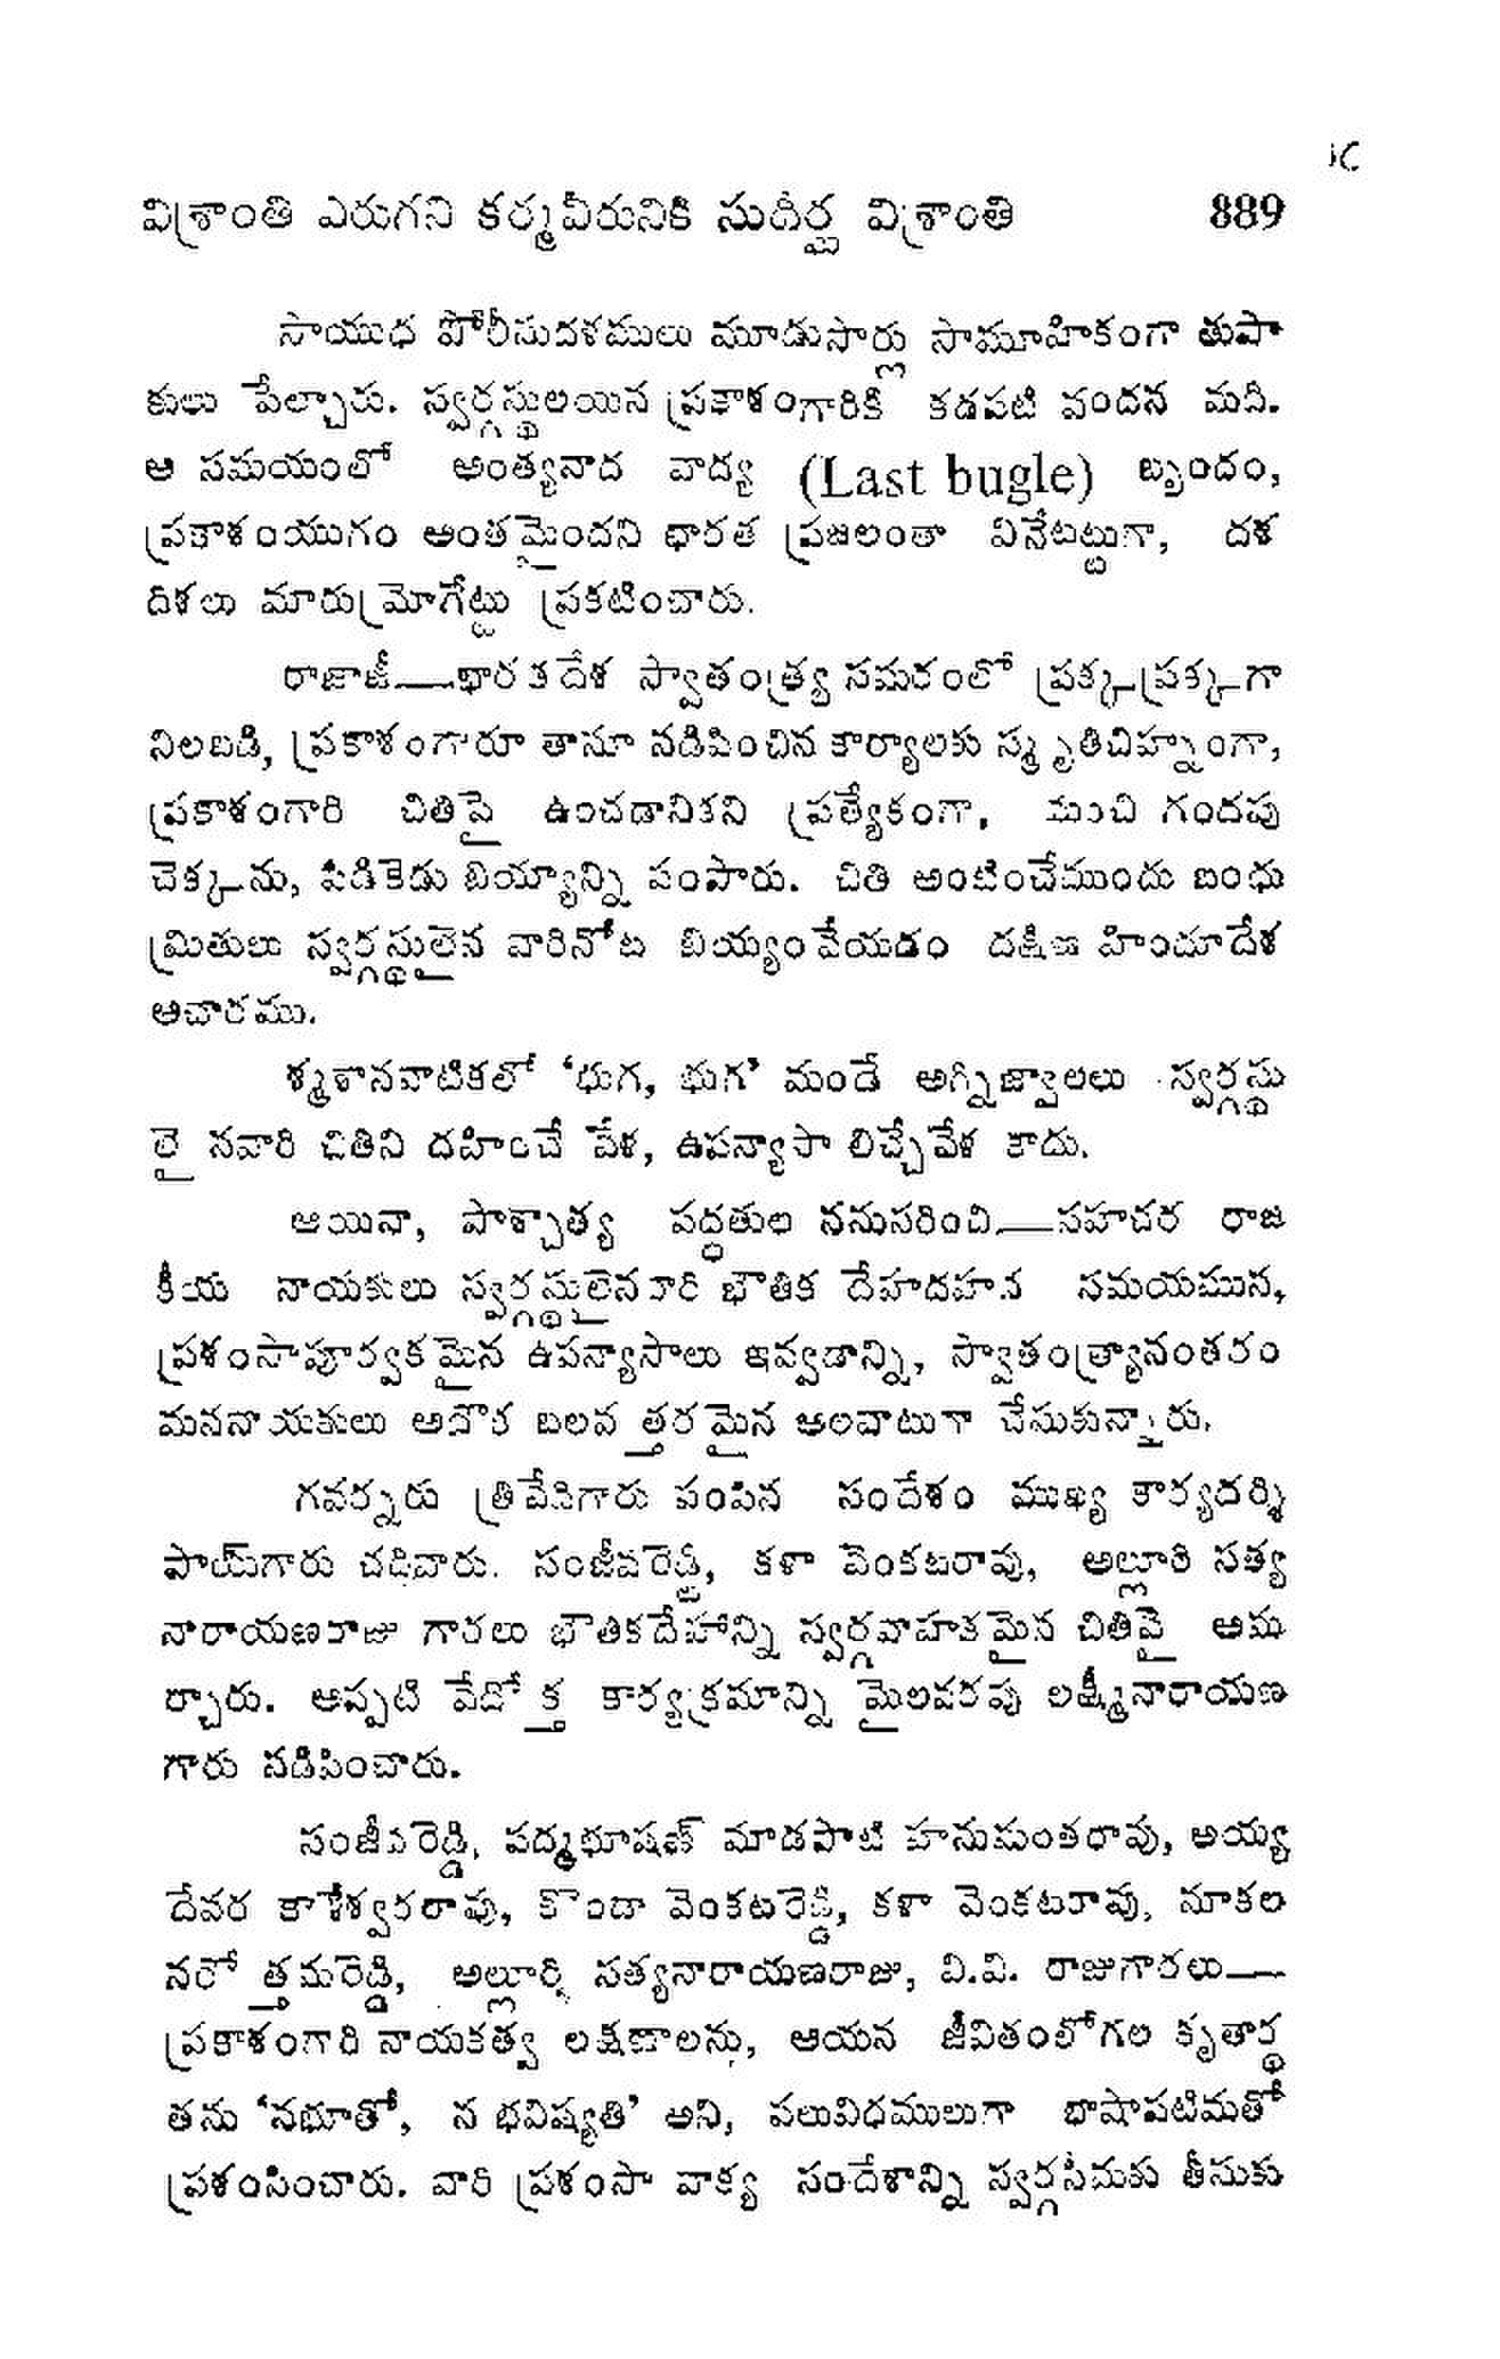సాయుధ పోలీసుదళములు మూడుసార్లు సామూహికంగా తుపాకులు పేల్చారు. స్వర్గస్థులయిన ప్రకాశంగారికి కడపటి వందన మది. అ సమయంలో అంత్యనాద వాద్య (Last bugle) బృందం, ప్రకాశంయుగం అంతమైందని భారత ప్రజలంతా వినేటట్టుగా, దశ దిశలు మారుమ్రోగేట్టు ప్రకటించారు.

రాజాజీ - భారతదేశ స్వాతంత్ర్య సమరంలో ప్రక్కప్రక్కగా నిలబడి, ప్రకాశంగారూ తానూ నడిపించిన కార్యాలకు స్మృతిచిహ్నంగా, ప్రకాశంగారి చితిపై ఉంచడానికని ప్రత్యేకంగా, మంచి గంధపు చెక్కను, పిడికెడు బియ్యాన్ని పంపారు. చితి అంటించేముందు బంధుమిత్రులు స్వర్గస్థులైన వారినోట బియ్యంవేయడం దక్షిణ హిందూదేశ ఆచారము.

శ్మశానవాటికలో 'భుగ, భుగ' మండే అగ్నిజ్వాలలు స్వర్గస్థులైనవారి చితిని దహించే వేళ, ఉపన్యాసా లిచ్చేవేళ కాదు.

అయినా, పాశ్చాత్య పద్ధతుల ననుసరించి - సహచర రాజకీయ నాయకులు స్వర్గస్థులైనవారి భౌతిక దేహదహన సమయమున, ప్రశంసాపూర్వకమైన ఉపన్యాసాలు ఇవ్వడాన్ని, స్వాతంత్ర్యానంతరం మననాయకులు అదొక బలవత్తరమైన అలవాటుగా చేసుకున్నారు.

గవర్నరు త్రివేదిగారు పంపిన సందేశం ముఖ్య కార్యదర్శి పాయ్‌గారు చదివారు. సంజీవరెడ్డి, కళా వెంకటరావు, అల్లూరి సత్యనారాయణరాజు గారలు భౌతికదేహాన్ని స్వర్గవాహకమైన చితిపై అమర్చారు. అప్పటి వేదోక్త కార్యక్రమాన్ని మైలవరపు లక్ష్మీనారాయణగారు నడిపించారు.

సంజీవరెడ్డి, పద్మభూషణ్ మాడపాటి హనుమంతరావు, అయ్యదేవర కాళేశ్వరరావు, కొండా వెంకటరెడ్డి, కళా వెంకటరావు, నూకల సరోత్తమరెడ్డి, అల్లూరి సత్యనారాయణరాజు, వి. వి. రాజుగారలు - ప్రకాశంగారి నాయకత్వ లక్షణాలను, ఆయన జీవితంలోగల కృతార్థతను 'నభూతో, న భవిష్యతి' అని, పలువిధములుగా భాషాపటిమతో ప్రశంసించారు. వారి ప్రశంసా వాక్య సందేశాన్ని స్వర్గసీమకు తీసుకు